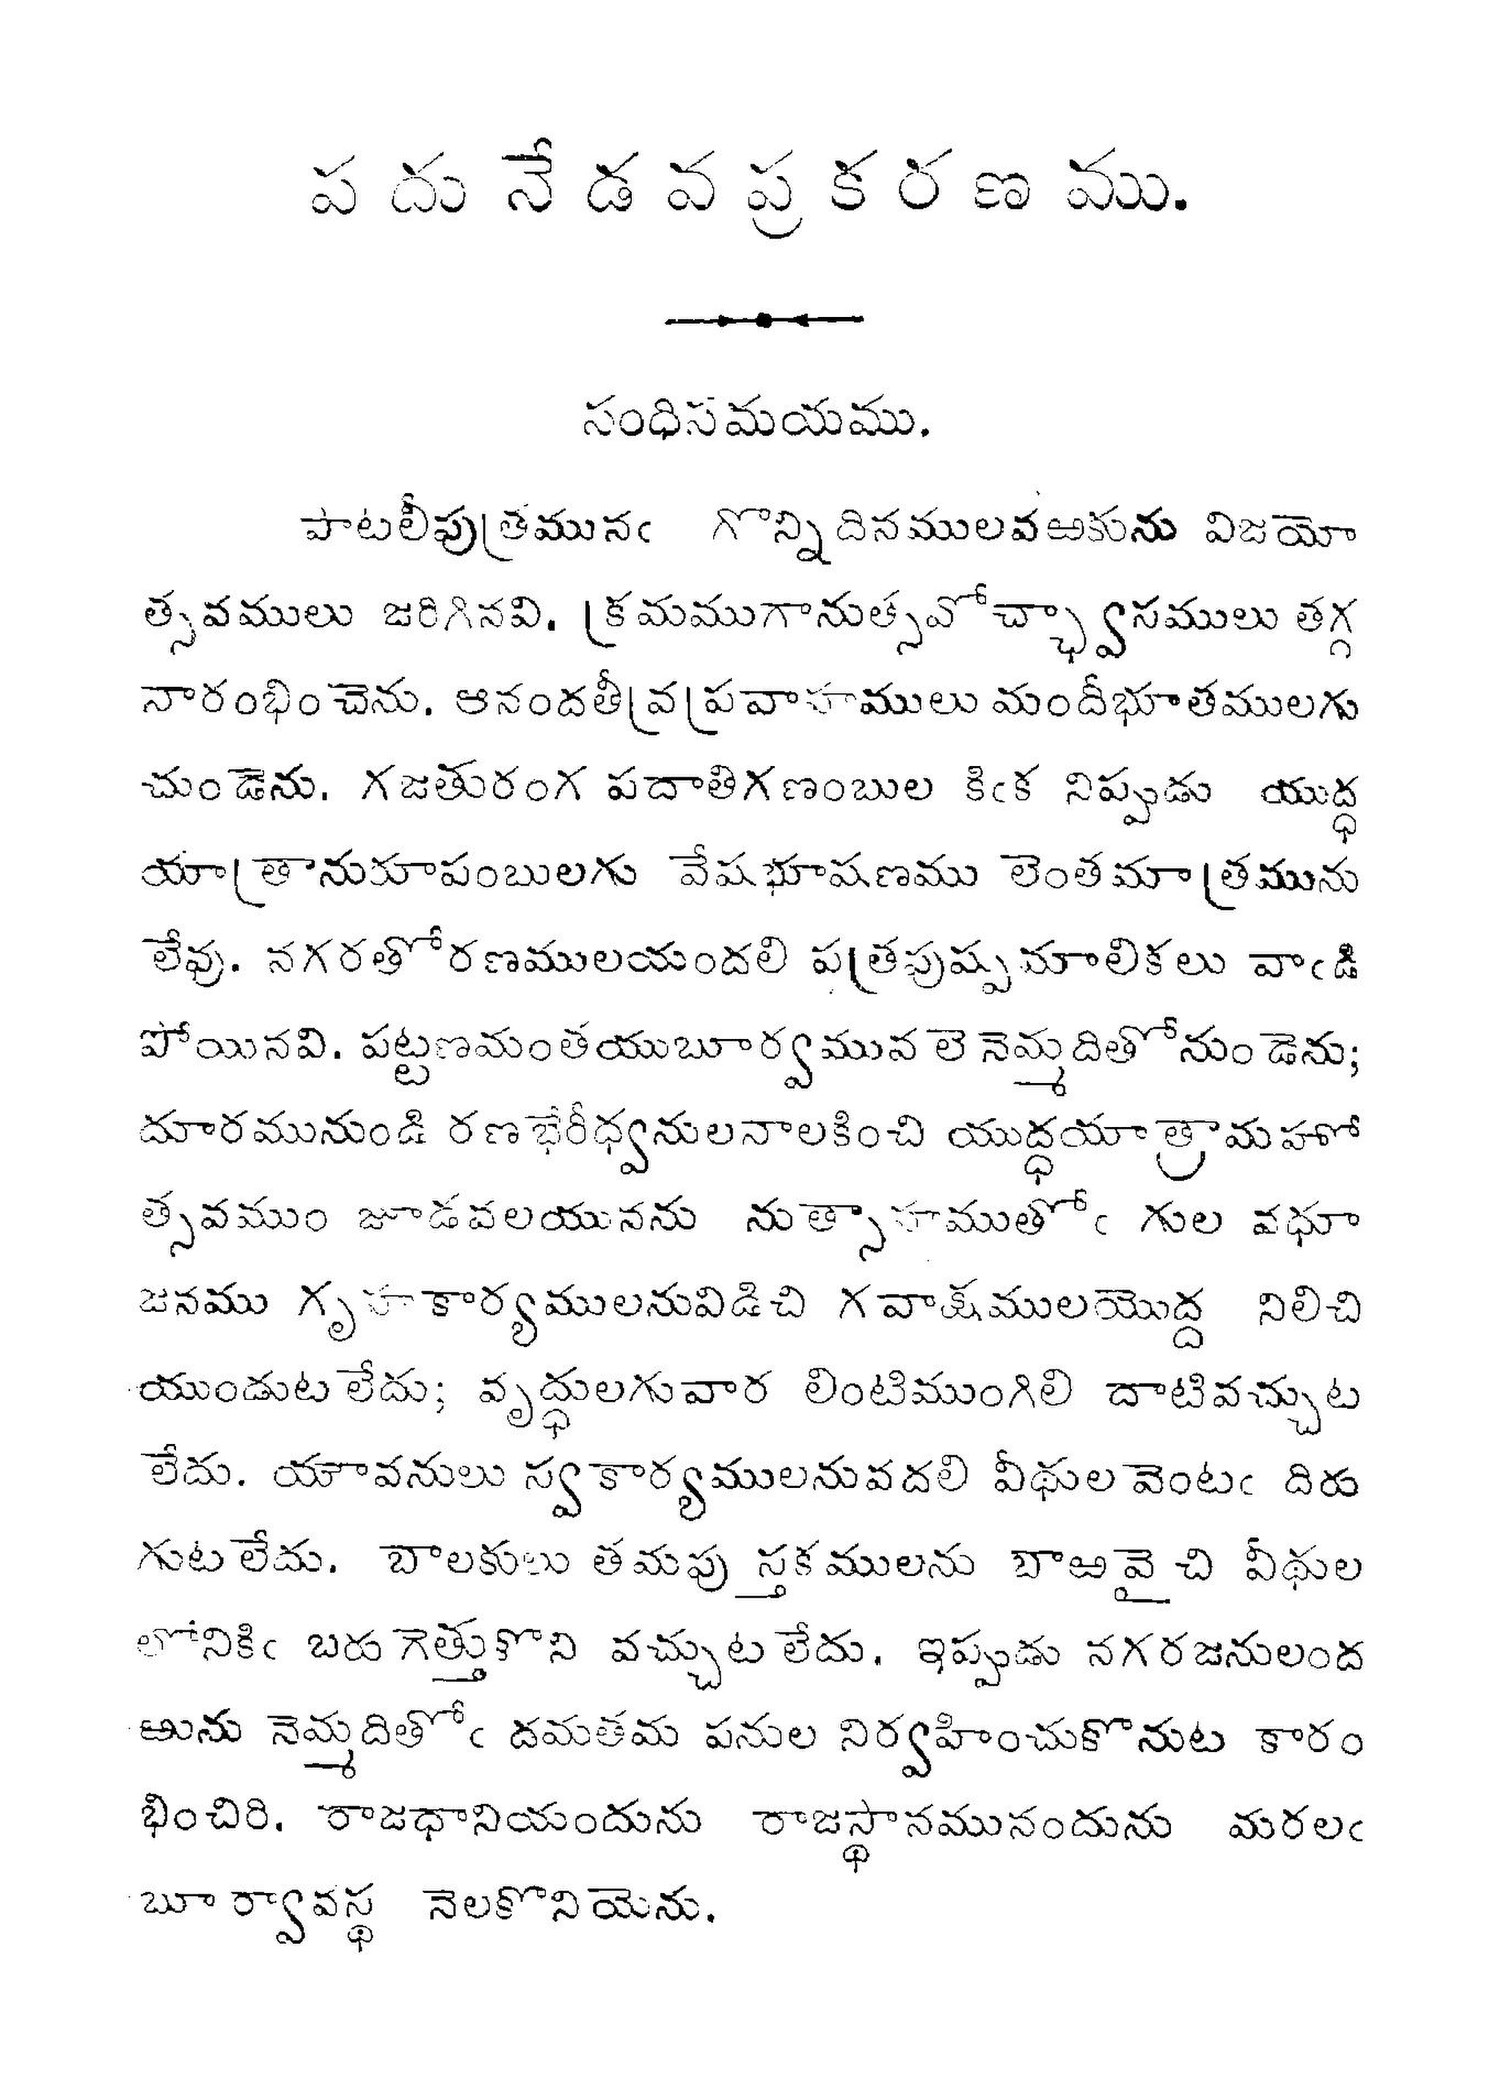పదునేడవ ప్రకరణము.

పాటలీపుత్రమునఁ గొన్ని దినములవఱకును విజయోత్సవములు జరిగినవి. క్రమముగా నుత్సవోచ్ఛ్వాసములు తగ్గ నారంభించెను. ఆనందతీవ్ర ప్రవాహములు మందీభూతములగు
చుండెను. గజతురంగ పదాతి గణంబుల కిఁక నిప్పుడు యుద్ధ యాత్రానుకూపంబులగు వేష భూషణము లెంతమాత్రమును లేవు. నగరతోరణములయందలి పత్ర పుష్పమాలికలు వాఁడి
పోయినవి. పట్టణమంతయు బూర్వమువలె నెమ్మదితోనుండెను; దూరమునుండి రణ భేరీధ్వనులనాలకించి యుద్ధయా త్రామహోత్సవముం జూడవలయు నను నుత్సాహముతో, గుల వధూజనము గృహ కార్యములను విడిచి గవాక్షములయొద్ద నిలిచియుండుట లేదు; వృద్ధులగువార లింటిముంగిలి దాటివచ్చుట లేదు. యౌవనులు స్వకార్యములను వదలి వీధుల వెంటఁ దిరుగుట లేదు. బాలకులు తమపు స్తకములను బాఱవై చి వీథుల లోనికిఁ బరు గెత్తుకొని వచ్చుట లేదు. ఇప్పుడు నగరజనులందఱును నెమ్మదితోఁ దమతమ పనుల నిర్వహించుకొనుట కారంభించిరి. 'రాజధానియందును రాజస్థానమునందును మరలఁ
బూర్వావస్థ నెలకొనియెను.